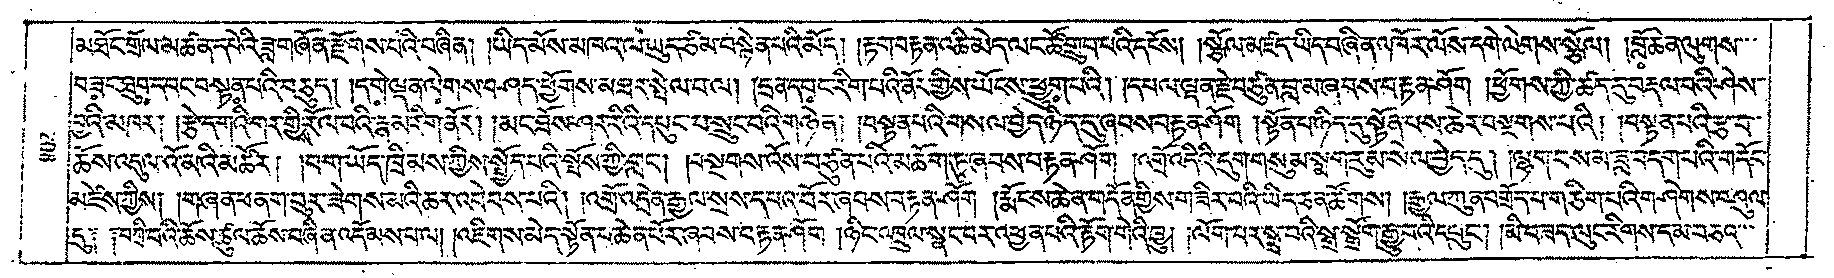མཐོང་གྲོལ་མཚན་དཔེའི་ཟླ་གཞོན་རྫོགས་པའི་བཞིན། །ཡིད་མོས་མཁའ་ལ་ཡུད་ཙམ་བསྙེན་པའི་མོད། །རྟག་བརྟན་འཆི་མེད་ལང་ཚོ་གྲུབ་པའི་དངོས། །སྩོལ་མཛད་ཡིད་བཞིན་འཁོར་ལོས་དགེ་ལེགས་སྩོལ། །བློ྾་ཆེན་ལུགས་
བཟང྾་ཐུབ྾་དབང་བསྟན྾་པའི་བཅུད། །དགེ྾་ལྡན་ལེགས྾་བཤད་ཕྱོགས་མཐར་སྤེལ་བ་ལ། །དྲན་དབང྾་རིག་པའི་ནོར་གྱིས་ཡོངས་ཕྱུག྾་པའི། །དཔལ་ལྡན་རྗེ་བཙུན་བླ་མ་ཞབས་བརྟན་ཤོག །ཕྱོགས་ཀྱི་ཚད་དུ་བརྡལ་བའི་ཤེས་
བྱའི་མཁར། །རྩེ་དགའི་གར་གྱིས་རོལ་བའི་རྣམ་རིག་ནོར། །མང་ཐོས་ཤར་རིའི་དཔུང་པ་སྲུང་བའི་གཉེན། །བསྟན་པའི་གསལ་བྱེད་ཉིད་དུ་ཞབས་བརྟན་ཤོག །སྟོན་པ་ཉིད་དུ་སྟོན་པས་ཆེར་བསྔགས་པའི། །བསྟན་པའི་རྩ་བ་
ཆོས་འདུལ་འོ་མའི་མཚོར། །བག་ཡོད་ཁྲིམས་ཀྱིས་སྤྱོད་པའི་སྤོས་ཀྱི་གླང་། །བསྔགས་འོས་བཙུན་པའི་མཆོག་ཏུ་ཞབས་བརྟན་ཤོག །འགྲོ་འདིའི་དུག་གསུམ་སྨག་རུམ་སེལ་བྱེད་དུ། །ལྷག་བསམ་ཟླ་བ་དག་པའི་གདོང་
མཛེས་ཀྱིས། །གཞན་ཕན་ག་བུར་ཟེགས་མའི་ཆར་འབེབས་པའི། །འགྲོ་འདྲེན་རྒྱལ་སྲས་དཔའ་བོར་ཞབས་བརྟན་ཤོག །རྨོངས་ཆེན་གདོན་གྱིས་གཟིར་བའི་ཡིད་ཅན་ཚོགས། །རྒྱལ་ཀུན་བགྲོད་པ་གཅིག་པའི་གཤེགས་བཤུལ་
དུ༑ ༑བཀྲི་པའི་ཆོས་ཚུལ་ཆོས་བཞིན་འདོམས་པ་ལ། །འཇིགས་མེད་སྟོན་པ་ཆེན་པོར་ཞབས་བརྟན་ཤོག །ཉིང་འཁྲུལ་སྣང་བར་འཕྱན་པའི་རྟོག་གེའི་ཁྱུ། །ལོག་པར་སྨྲ་བའི་སྒྲ་སྒྲོག་རྒྱུ་བའི་དཔུང་། །མི་བཟད་ལུང་རིགས་དམ་བཅའ་